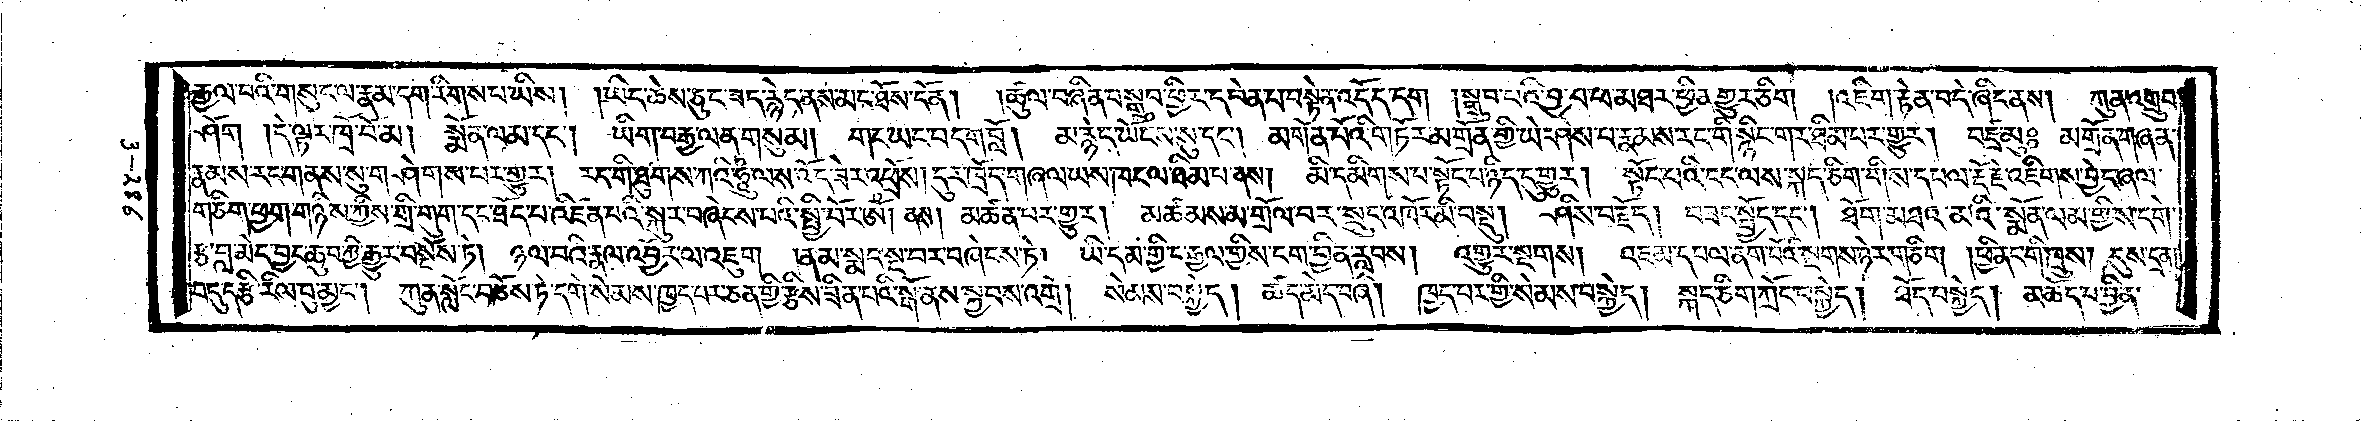རྒྱལ་བའི་གསུང་ལ་རྣམ་དག་རིགས་པ་ཡིས། །ཡིད་ཆེས་ཅུང་ཟད་རྙེད་ནས་མང་ཐོས་དོན། །ཚུལ་བཞིན་བསྒྲུབ་ཕྱིར་དབེན་པ་བསྟེན་འདོད་དག །སྒྲུབ་པའི་བྱ་བར་མཐར་ཕྱི་མ་གྱུར་ཅིག །འཇིག་རྟེན་བདེ་ཞིང་ནས། ཀུན་འགྲུབ་
ཤོག །དེ་ལྟར་ཁྲོ་བོ་མ། སྨོན་ལམ་དང་། ཡིག་བརྒྱ་ལན་གསུམ། གང་ཡང་བདག་བློ། མ་རྙེད་ཡོངས་སུ་དང་། མགོན་པོའི་གཏོར་མགྲོན་གྱི་ཡེ་ཤེས་པ་རྣམས་རང་གི་སྙིང་གར་ཐིམ་པར་གྱུར། བཛྲ་མུཿམགྲོན་གཞན་
རྣམས་རང་གནས་སུ་གཤེགས་པར་གྱུར། རང་གི་ཐུགས་ཀའི་ཧཱུཾ་ལས་འོད་ཟེར་འཕྲོས། །དུར་ཁྲོད་གཞལ་ཡས་ཁང་ལ་ཐིམ་པ་ནས། མི་དམིགས་པ་སྟོང་པ་ཉིད་དུ་གྱུར། སྟོང་པའི་ངང་ལས་སྐད་ཅིག་གིས་དཔལ་རྡོ་རྗེ་འཇིགས་བྱེད་ཞལ་
གཅིག་ཕྱག་གཉིས་ཀྱིས་གྲི་གུག་དང་ཐོད་པ་འཛིན་པའི་སྐུར་བཞེངས་པའི་སྤྱི་བོར་ཨོཾ། ནས། མཚན་པར་གྱུར། མཚམས་མ་གྲོལ་བར་སྲུང་འཁོར་མི་བསྡུ། ཤིས་བརྗོད། བཟང་སྤྱོད་དང་། ཐོག་མཐའ་མའི་སྨོན་ལམ་གྱིས་དགེ་
རྩ་བླ་མེད་བྱང་ཆུབ་ཀྱི་རྒྱུར་བསྔོས་ཏེ། ཉལ་བའི་རྣལ་འབྱོར་ལ་འཇུག །ནམ་སྨད་སྔ་བར་བཞེངས་ཏེ། ཡི་དམ་གྱི་ང་རྒྱལ་གྱིས་ངག་བྱིན་རླབས། འགྱུར་སྔགས། འཇམ་དཔལ་ནག་པོའི་སྔགས་ཉེར་གཅིག །ཕྱི་ནང་གི་ཁྲུས། དུས་དྲན།
བདུད་རྩི་རིལ་བུ་མྱང་། ཀུན་སློང་བཅོས་ཏེ་དགེ་སེམས་ཁྱད་པར་ཅན་གྱི་རྩིས་ཟིན་པའི་སྒོ་ནས་སྐྱབས་འགྲོ། སེམས་བསྐྱེད། ཚད་མེད་བཞི། ཁྱད་པར་གྱི་སེམས་བསྐྱེད། སྐད་ཅིག་ཀྲོང་བསྐྱེད། ཐོད་བསྐྱེད། མཆོད་པ་བྱིན་